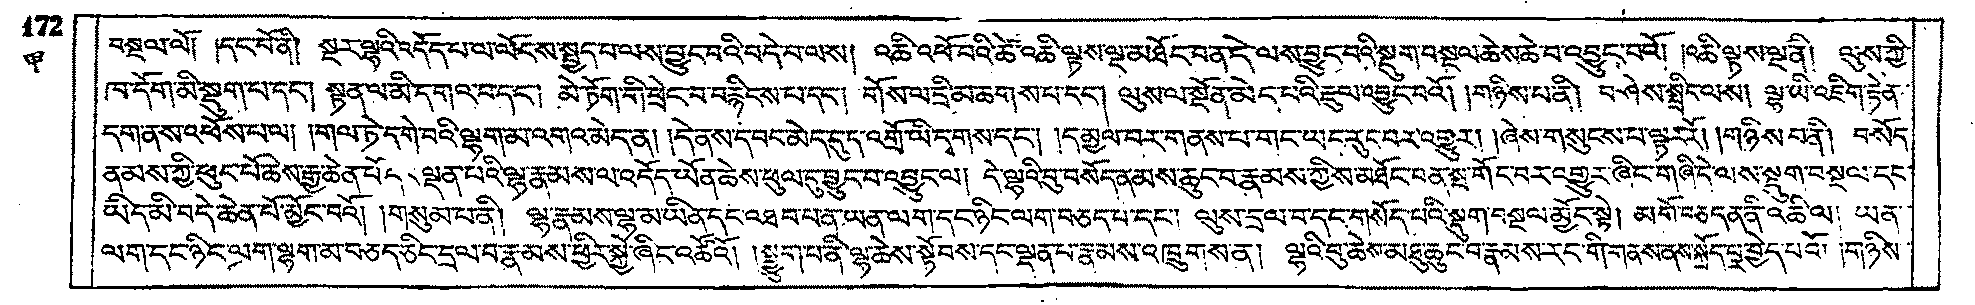བསྔལ་ལོ། །དང་པོ་ནི། སྔར་ལྷའི་འདོད་པ་ལ་ལོངས་སྤྱད་པ་ལས་བྱུང་བའི་བདེ་བ་ལས། འཆི་འཕོ་བའི་ཚེ་འཆི་ལྟས་ལྔ་མཐོང་བ་ན་དེ་ལས་བྱུང་བའི་སྡུག་བསྔལ་ཆེས་ཆེ་བ་འབྱུང་བའོ། །འཆི་ལྟས་ལྔ་ནི། ལུས་ཀྱི་
ཁ་དོག་མི་སྡུག་པ་དང་། སྟན་ལ་མི་དགའ་བ་དང་། མེ་ཏོག་གི་ཕྲེང་བ་བརྙིངས་པ་དང་། གོས་ལ་དྲི་མ་ཆགས་པ་དང་། ལུས་ལ་སྔོན་མེད་པའི་རྔུལ་འབྱུང་བའོ། །གཉིས་པ་ནི། བཤེས་སྤྲིང་ལས། ལྷ་ཡི་འཇིག་རྟེན་
དག་ནས་འཕོས་པ་ལ། །གལ་ཏེ་དགེ་བའི་ལྷག་མར་འགའ་མེད་ན། །དེ་ནས་དབང་མེད་དུད་འགྲོ་ཡི་དྭགས་དང་། །དམྱལ་བར་གནས་པ་གང་ཡང་རུང་བར་འགྱུར། །ཞེས་གསུངས་པ་ལྟར་རོ། །གཉིས་པ་ནི། བསོད་
ནམས་ཀྱི་ཕུང་པོ་ཆེས་རྒྱ་ཆེན་པོ་དང་ལྡན་པའི་ལྷ་རྣམས་ལ་འདོད་ཡོན་ཆེས་ཕུལ་དུ་བྱུང་བ་འབྱུང་ལ། དེ་ལྷའི་བུ་བསོད་ནམས་ཆུང་བ་རྣམས་ཀྱིས་མཐོང་བ་ན་སྤ་གོང་བར་འགྱུར་ཞིང་གཞི་དེ་ལས་སྡུག་བསྔལ་དང་
ཡིད་མི་བདེ་ཆེན་པོ་མྱོང་བའོ། །གསུམ་པ་ནི། ལྷ་རྣམས་ལྷ་མ་ཡིན་དང་འཐབ་པ་ན་ཡན་ལག་དང་ཉིང་ལག་བཅད་པ་དང་། ལུས་དྲལ་བ་དང་གསོད་པའི་སྡུག་བསྔལ་མྱོང་སྟེ། མགོ་བཅད་ན་ནི་འཆི་ལ། ཡན་
ལག་དང་ཉིང་ལག་ལྷག་མ་བཅད་ཅིང་དྲལ་བ་རྣམས་ཕྱིར་སྐྱེ་ཞིང་འཚོའོ། །སྤྱུག་པ་ནི་ལྷ་ཆེས་སྟོབས་དང་ལྡན་པ་རྣམས་འཁྲུགས་ན། ལྷའི་བུ་ཆེས་མཐུ་ཆུང་བ་རྣམས་རང་གི་གནས་ནས་སྐྲོད་པར་བྱེད་པའོ། །གཉིས་